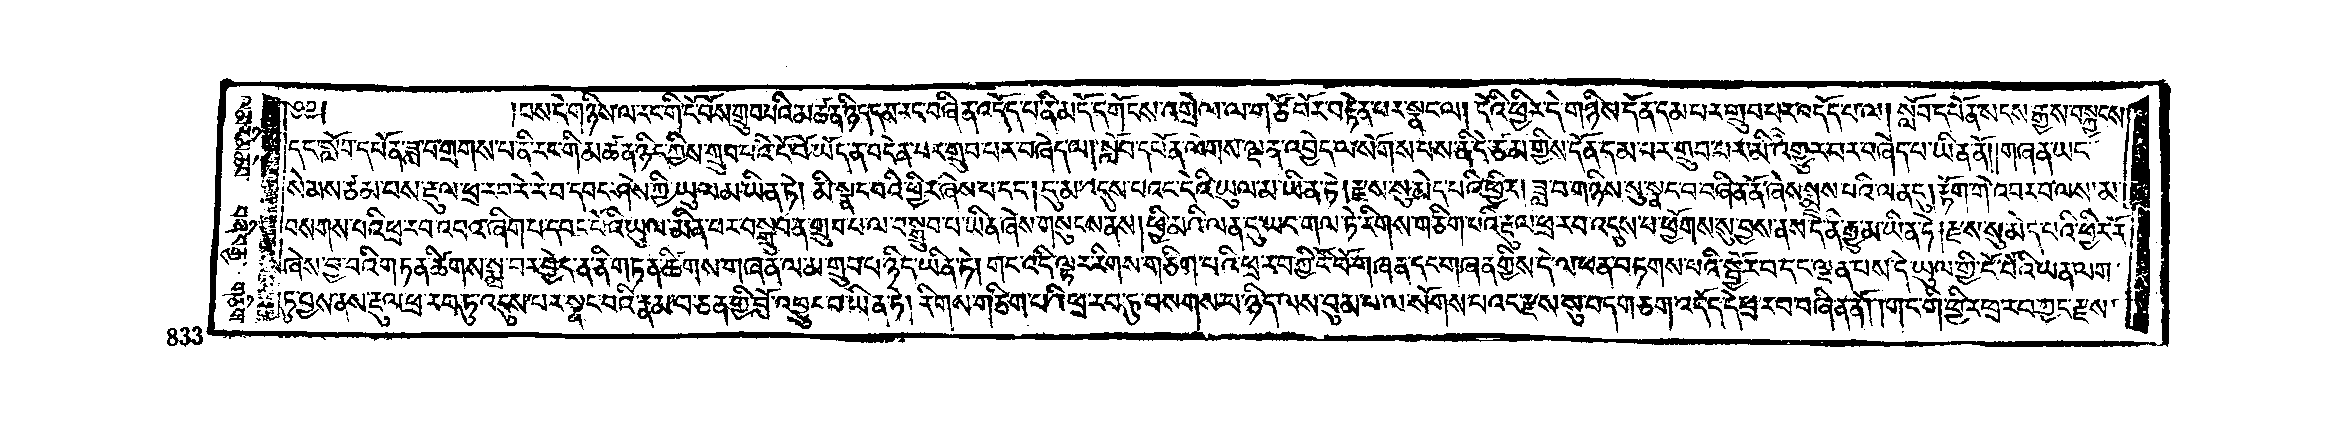༄༅། །པས་དེ་གཉིས་ལ་རང་གི་ངོ་བོས་གྲུབ་པའི་མཚན་ཉིད་དམ་རང་བཞིན་འདོད་པ་ནི་མདོ་དགོངས་འགྲེལ་ལ་གཙོ་བོར་བརྟེན་པར་སྣང་ལ། དེའི་ཕྱིར་དེ་གཉིས་དོན་དམ་པར་གྲུབ་པར་འདོད་པ་ལ། སློབ་དཔོན་སངས་རྒྱས་བསྐྱངས་
དང་སློབ་དཔོན་ཟླ་བ་གྲགས་པ་ནི་རང་གི་མཚན་ཉིད་ཀྱིས་གྲུབ་པའི་ངོ་བོ་ཡོད་ན་བདེན་པར་གྲུབ་པར་བཞེད་ལ། སློབ་དཔོན་ལེགས་ལྡན་འབྱེད་ལ་སོགས་པས་ནི་དེ་ཙམ་གྱིས་དོན་དམ་པར་གྲུབ་པར་མི་འགྱུར་བར་བཞེད་པ་ཡིན་ནོ། །གཞན་ཡང་
སེམས་ཙམ་པས་རྡུལ་ཕྲ་རབ་རེ་རེ་བ་དབང་ཤེས་ཀྱི་ཡུལ་མ་ཡིན་ཏེ། མི་སྣང་བའི་ཕྱིར་ཞེས་པ་དང་། དུ་མ་འདུས་པའང་དེའི་ཡུལ་མ་ཡིན་ཏེ། རྫས་སུ་མེད་པའི་ཕྱིར། ཟླ་བ་གཉིས་སུ་སྣང་བ་བཞིན་ནོ་ཞེས་སྨྲས་པའི་ལན་དུ། རྟོག་གེ་འབར་བ་ལས། མ་
བསགས་པའི་ཕྲ་རབ་འབའ་ཞིག་པ་དབང་པོའི་ཡུལ་མིན་པར་བསྒྲུབ་ན་གྲུབ་པ་ལ་བསྒྲུབ་པ་ཡིན་ཞེས་གསུངས་ནས། ཕྱི་མའི་ལན་དུ་ཡང་གལ་ཏེ་རིགས་གཅིག་པའི་རྡུལ་ཕྲ་རབ་འདུས་པ་ཕྱོགས་སུ་བྱས་ནས་དེ་ནི་རྒྱུ་མ་ཡིན་ཏེ། རྫས་སུ་མེད་པའི་ཕྱིར་རོ་
ཞེས་བྱ་བའི་གཏན་ཚིགས་སྨྲ་བར་བྱེད་ན་ནི་གཏན་ཚིགས་གཞན་ལ་མ་གྲུབ་པ་ཉིད་ཡིན་ཏེ། གང་འདི་ལྟར་རིགས་གཅིག་པའི་ཕྲ་རབ་ཀྱི་ངོ་བོ་གཞན་དང་གཞན་གྱིས་དེ་ལ་ཕན་བཏགས་པའི་སྦྱོར་བ་དང་ལྡན་པས་དེ་ཡུལ་གྱི་ངོ་བོའི་ཡན་ལག་
ཏུ་བྱས་ནས་རྡུལ་ཕྲ་རབ་ཏུ་འདུས་པར་སྣང་བའི་རྣམ་པ་ཅན་གྱི་བློ་འབྱུང་བ་ཡིན་ཏེ། རིགས་གཅིག་པའི་ཕྲ་རབ་ཏུ་བསགས་པ་ཉིད་ལས་བུམ་པ་ལ་སོགས་པའང་རྫས་སུ་བདག་ཅག་འདོད་དེ་ཕྲ་རབ་བཞིན་ནོ། །གང་གི་ཕྱིར་ཕྲ་རབ་ཀྱང་རྫས་